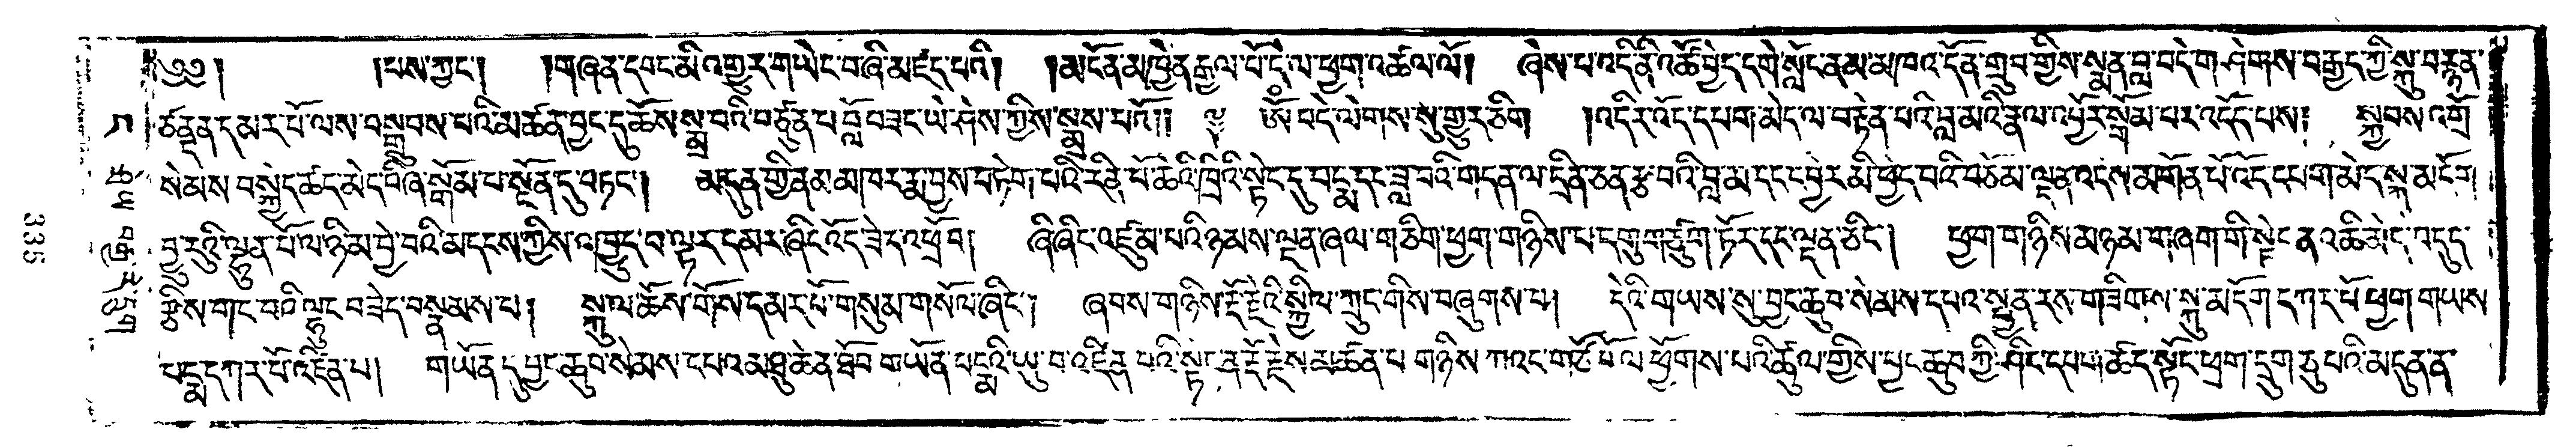༄༅། །པས་ཀྱང་། །གཞན་དབང་མི་འགྱུར་གཡེང་བ་ཞི་མཛད་པའི། །མངོན་མཁྱེན་རྒྱལ་པོ་དེ་ལ་ཕྱག་འཚལ་ལོ། ཞེས་པ་འདི་ནི་འཚེ་བྱེད་དགེ་སློང་ནམ་མཁའ་དོན་གྲུབ་གྱིས་སྨན་བླ་བདེ་གཤེགས་བ་རྒྱད་ཀྱི་སྐུ་བརྙན་
ཙནྡན་དམར་པོ་ལས་བསྒྲུབ་པའི་མཚན་བྱང་དུ་ཆོས་སྨྲ་བའི་བཙུན་པ་བློ་བཟང་ཡེ་ཤེས་ཀྱིས་སྨྲས་པའོ།།༈ ཨོཾ་བདེ་ལེགས་སུ་གྱུར་ཅིག །འདིར་འོད་དཔག་མེད་ལ་བརྟེན་པའི་བླ་མའི་རྣལ་འབྱོར་སྒོམ་པར་འདོད་པས། སྐྱབས་འགྲོ་
སེམས་བསྐྱེད་ཚད་མེད་བཞི་སྒོམ་པ་སྔོན་དུ་བཏང་། མདུན་གྱི་ནམ་མཁར་རྨ་བྱས་བཏེག་པའི་རིན་པོ་ཆེའི་ཁྲིའི་སྟེང་དུ་པདམ་དང་ཟླ་བའི་གདན་ལ་དྲིན་ཅན་རྩ་བའི་བླ་མ་དང་དབྱེར་མི་ཕྱེད་པའི་བཅོམ་ལྡན་འདས་མགོན་པོ་འོད་དཔག་མེད་སྐུ་མདོག་
བྱུ་རུའི་ལྷུན་པོ་ལ་ཉི་མ་བྱེ་བའི་མདངས་ཀྱིས་འཁྱུད་བ་ལྟར་དམར་ཞིང་འོད་ཟེར་འཕྲོ་བ། ཞི་ཞིང་འཛུམ་པའི་ཉམས་ལྡན་ཞལ་གཅིག་ཕྱག་གཉིས་པ་དགུ་གཙུག་ཏོར་དང་ལྡན་ཅིང་། ཕྱག་གཉིས་མཉམ་གཞག་གི་སྟེང་ན་ཆི་མེད་འདུད་
རྩིས་གང་བའི་ལྷུང་བཟེད་བསྣམས་པ། སྐུ་ལ་ཆོས་གོལ་དམར་པོ་གསུམ་གསོལ་ཞིང་། ཞབས་གཉིས་རྡོ་རྗེའི་སྐྱིལ་གྲུབ་གིས་བཞུགས་པ། དེའི་གཡས་སུ་བྱང་ཆུབ་སེམས་དཔའ་སྤྱན་རས་གཟིགས་སྐུ་མདོག་དཀར་པོ་ཕྱག་གཡས་
པདམ་དཀར་པོ་འཛིན་པ། གཡོན་དུ་བྱང་ཆུབ་སེམས་དཔའ་མཐུ་ཆེན་ཐོབ་གཡོན་པདམའི་ཡུལ་འཛིན་པའི་སྟེང་ན་རྡོ་རྗེ་མཚན་པ་གཉིས་ཀཱང་གཙོ་བོ་ལ་ཕྱོགས་པའི་ཚུལ་གྱིས་བྱང་ཆུབ་ཀྱི་ཤིང་དཔག་ཚད་སྟོད་ཕྲག་དྲུག་ཅུ་པའི་མདུན་ན་